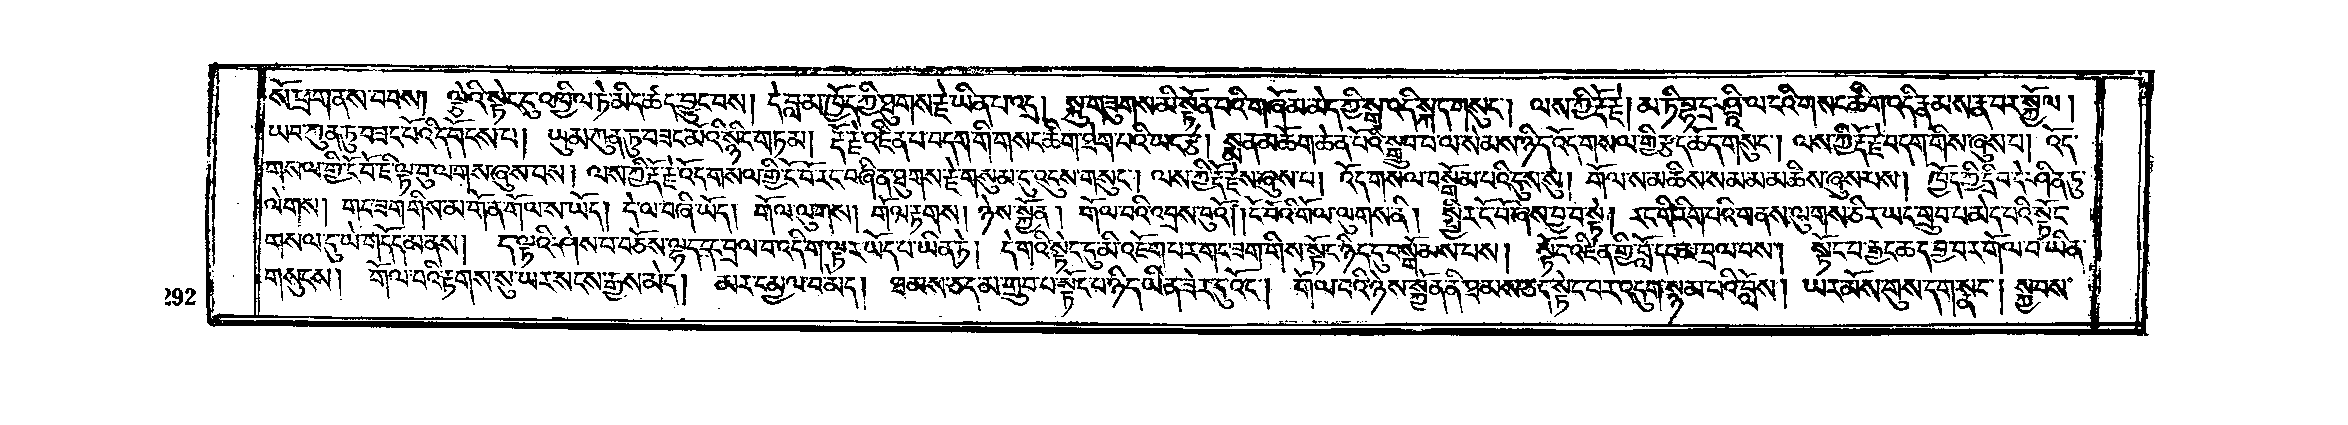སོ་ཕྲག་ནས་བབས། ལྕེའི་སྟེང་དུ་འཁྱིལ་ཏེ་མིད་ཚད་བྱུང་བས། དེ་བླ་མ་ཁྱོད་ཀྱི་ཐུགས་རྗེ་ཡིན་པ་འདྲ། སྐུ་གཟུགས་མི་སྟོན་པའི་གཞོམ་མེད་ཀྱི་སྒྲ་འདི་སྐད་གསུང་། ལས་ཀྱི་རྡོ་རྗེ། མ་ཏི་བྷ་དྲ་ཤྲཱི་ལ་ངའི་གསང་ཚིག་འདི་རྣམས་རྣ་བར་སྐྱོལ།
ཡབ་ཀུན་ཏུ་བཟང་པོའི་དགོངས་པ། ཡུམ་ཀུན་ཏུ་བཟང་མོའི་སྙིང་གཏམ། རྡོ་རྗེ་འཛིན་པ་བདག་གི་གསང་ཚིག་ཐེག་པའི་ཡང་རྩེ། སྨན་མཆོག་ཆེན་པོའི་སྒྲུབ་པ་ལ་སེམས་ཉིད་འོད་གསལ་གྱི་རྩད་ཆོད་གསུང་། ལས་ཀྱི་རྡོ་རྗེ་བདག་གིས་ཞུས་པ། འོད་
གསལ་གྱི་ངོ་བོ་ཇི་ལྟ་བུ་ལགས་ཞུས་པས། ལས་ཀྱི་རྡོ་རྗེ་འོད་གསལ་གྱི་ངོ་བོ་རང་བཞིན་ཐུགས་རྗེ་གསུམ་དུ་འདུས་གསུང་། ལས་ཀྱི་རྡོ་རྗེས་ཞུས་པ། འོད་གསལ་བསྒོམ་པའི་དུས་སུ། གོལ་ས་མཆིས་སམ་མ་མཆིས་ཞུས་པས། ཁྱོད་ཀྱི་དྲི་བ་དེ་ཤིན་ཏུ་
ལེགས། གང་ཟག་གིས་མ་གོ་ན་གོལ་ས་ཡོད། དེ་ལ་བཞི་ཡོད། གོལ་ལུགས། གོལ་རྟགས། ཉེས་སྐྱོན། གོལ་བའི་འབྲས་བུའོ། །ངོ་བོའི་གོལ་ལུགས་ནི། སྤྱིར་ངོ་བོ་ཞེས་བྱ་བ་སྟེ། རང་གི་རིག་པའི་གནས་ལུགས་ཅིར་ཡང་གྲུབ་པ་མེད་པའི་སྟོང་
གསལ་དུ་ཡེ་གདོད་མ་ནས། ད་ལྟའི་ཤེས་པ་བཅོས་ལྷད་དང་བྲལ་བ་འདི་ག་ལྟར་ཡོད་པ་ཡིན་ཏེ། དེ་གའི་སྟེང་དུ་མི་འཇོག་པར་གང་ཟག་གིས་སྟོང་ཉིད་དུ་བསྒོམས་པས། སྟོང་འཛིན་གྱི་བློ་དང་མ་བྲལ་བས། སྟོང་པ་རྒྱང་ཆད་བྱ་བར་གོལ་བ་ཡིན་
གསུངས། གོལ་བའི་རྟགས་སུ་ཡར་སངས་རྒྱས་མེད། མར་དམྱལ་བ་མེད། ཐམས་ཅད་མ་གྲུབ་པ་སྟོང་པ་ཉིད་ཡིན་ཟེར་དུ་འོང་། གོལ་བའི་ཉེས་སྐྱོན་ནི་ཐམས་ཅད་སྟེང་བར་འདུག་སྙམ་པའི་བློས། ཡར་མོས་གུས་དག་སྣང་། སྐྱབས་